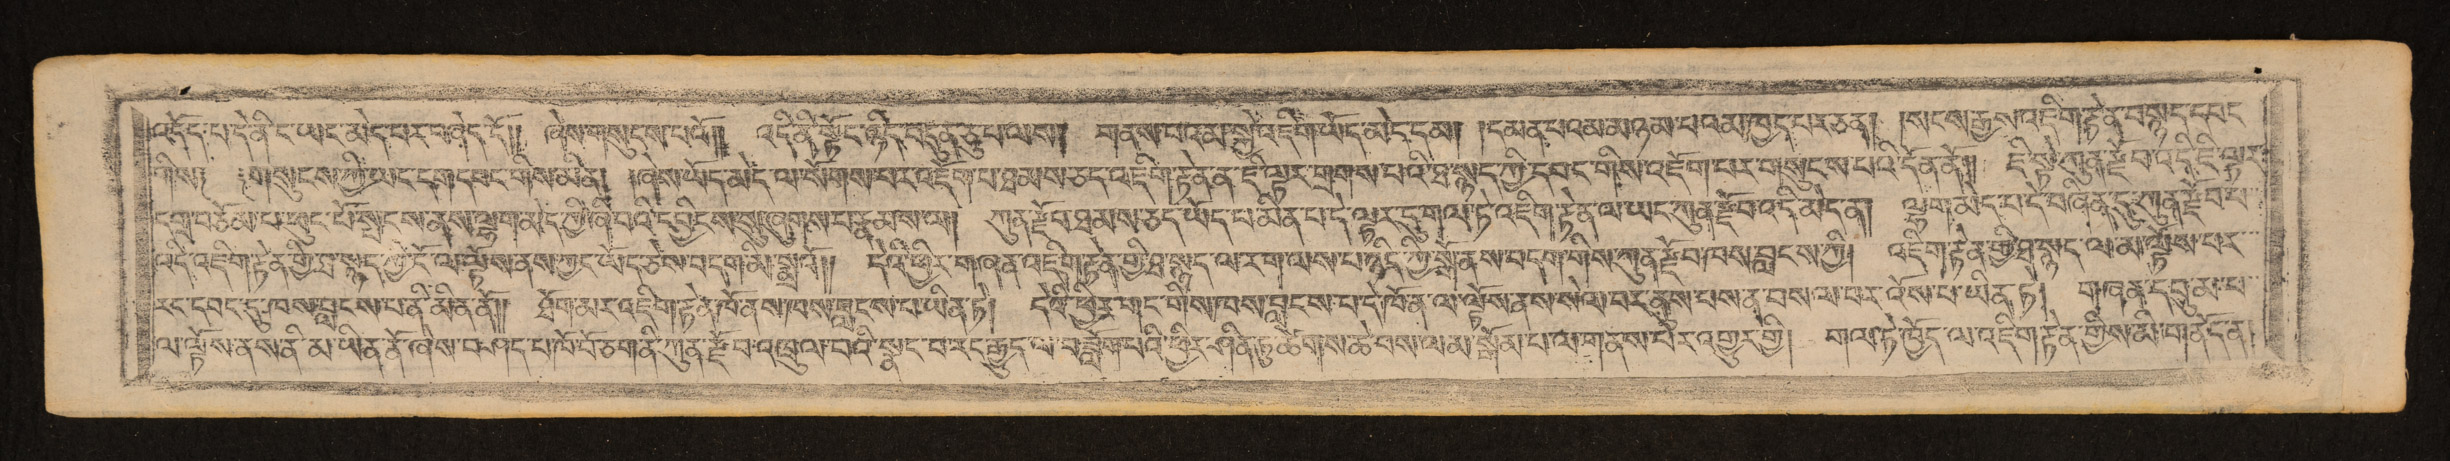འདོད་པ་དེ་ནི་ང་ཡང་མེད་པར་བཞེད་དོ།། ཞེས་གསུངས་པའོ།། འདི་ནི་སྟོང་ཉིད་བདུན་ཅུ་པ་ལས། གནས་པའམ་སྐྱེ་འཇིག་ཡོད་མེད་དམ། །དམན་པའམ་མཉམ་པའམ་ཁྱད་པར་ཅན། །སངས་རྒྱས་འཇིག་རྟེན་བསྙད་དབང་
གིས༑ ༑གསུངས་ཀྱིས་ཡང་དག་དབང་གིས་མིན། །ཞེས་ཡོད་མེད་ལ་སོགས་པར་འཇོག་པ་ཐམས་ཅད་འཇིག་རྟེན་ན་ཇི་ལྟར་གྲགས་པའི་ཐ་སྙད་ཀྱི་དབང་གིས་འཇོག་པར་གསུངས་པའི་དོན་ནོ།། ཇི་སྟེ་ཀུན་རྫོབ་འདི་ཇི་ལྟར་
དགྲ་བཅོམ་པ་ཕུང་པོ་སྤངས་ནས་ལྷག་མེད་ཀྱི་ཞི་བའི་དབྱིངས་སུ་ཞུགས་པ་རྣམས་ལ། ཀུན་རྫོབ་ཐམས་ཅད་ཡོད་པ་མིན་པ་དེ་ལྟར་དུ་གལ་ཏེ་འཇིག་རྟེན་ལ་ཡང་ཀུན་རྫོབ་འདི་མེད་ན། ལྷག་མེད་པ་དེ་བཞིན་དུ་ཀུན་རྫོབ་པ་
འདི་འཇིག་རྟེན་གྱི་ཐ་སྙད་ཀྱི་ངོ་ལ་ལྟོས་ནས་ཀྱང་ཡོད་ཅེས་བདག་མི་སྨྲའོ།། དེའི་ཕྱིར་གཞན་འཇིག་རྟེན་གྱི་ཐ་སྙད་ལ་རག་ལས་པ་ཉིད་ཀྱི་སྒོ་ནས་བདག་གིས་ཀུན་རྫོབ་ཁས་བླངས་ཀྱི། འཇིག་རྟེན་གྱི་ཐ་སྙད་ལ་མ་ལྟོས་པར་
རང་དབང་དུ་ཁས་བླངས་པ་ནི་མིན་ནོ།། ཐོག་མར་འཇིག་རྟེན་ཁོ་ནས་ཁས་བླངས་པ་ཡིན་ཏེ། དེའི་ཕྱིར་གང་གིས་ཁས་བླངས་པ་དེ་ཁོ་ན་ལ་ལྟོས་ནས་སེལ་བར་ནུས་པས་ན་བསལ་བར་འོས་པ་ཡིན་ཏེ། གཞན་དབུ་མ་པ་
ལ་ལྟོས་ནས་ནི་མ་ཡིན་ནོ་ཞེས་བཤད་པ་ཁོ་བོ་ཅག་ནི་ཀུན་རྫོབ་འཁྲུལ་བའི་སྣང་བ་རང་རྒྱུད་ལ་བཟློག་པའི་ཕྱིར་ཤིན་ཏུ་ཚོགས་ཆེ་བས་ལམ་སྒོམ་པ་ལ་གནས་པར་འགྱུར་གྱི། གལ་ཏེ་ཁྱོད་ལ་འཇིག་རྟེན་གྱིས་མི་གནོད་ན།